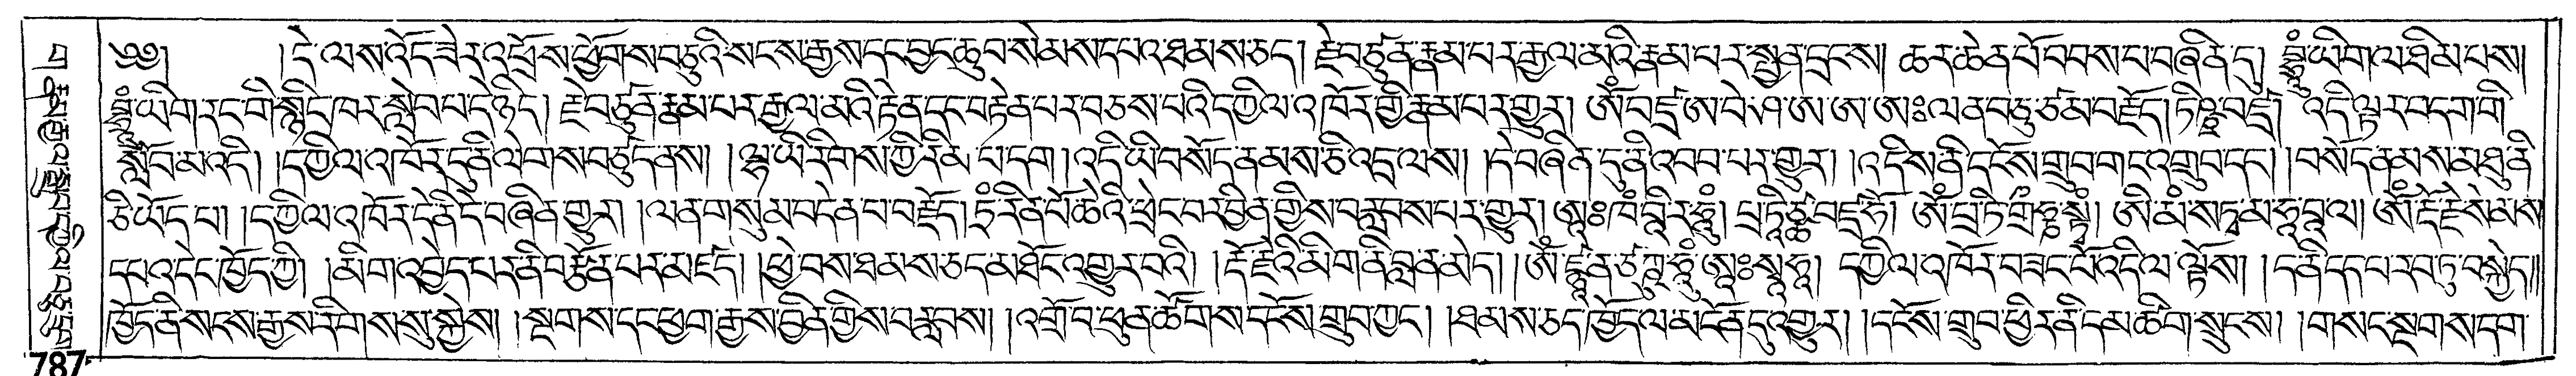༄༅། །དེ་ལས་འོད་ཟེར་འཕྲོས་ཕྱོགས་བཅུའི་སངས་རྒྱས་དང་བྱང་ཆུབ་སེམས་དཔའ་ཐམས་ཅད། རྗེ་བཙུན་རྣམ་པར་རྒྱལ་མའི་རྣམ་པར་སྤྱན་དྲངས། ཆར་ཆེན་པོ་བབས་པ་བཞིན་དུ། བྷྲཱུཾ་ཡིག་ལ་ཐིམ་པས།
བྷྲཱུཾ་ཡིག་རང་གི་སྙིང་ཁར་སླེབ་པ་དེ་ཉིད། རྗེ་བཙུན་རྣམ་པར་རྒྱལ་མའི་རྟེན་དང་བརྟེན་པར་བཅས་པའི་དཀྱིལ་འཁོར་གྱི་རྣམ་པར་གྱུར། ཨོཾ་བཛྲ་ཨ་བེ་ཤ་ཨ་ཨ་ཨཿ ལན་བཅུ་ཙམ་བརྗོད། ཏིཥཊཿཨ་བཛྲ། འདི་ལྟར་བདག་གི་
སློབ་མ་འདི། །དཀྱིལ་འཁོར་དུ་ནི་ལེགས་བཙུད་ནས། །ལྷ་ཡི་རིགས་ཀྱི་རིམ་པ་དག །འདི་ཡི་བསོད་ནམས་ཅི་འདྲ་ལས། །དེ་བཞིན་དུ་ནི་འབབ་པར་གྱུར། །འདིས་ནི་དངོས་གྲུབ་གང་འགྲུབ་དང་། །བསོད་ནམས་མཐུ་ནི་
ཅི་ཡོད་པ། །དཀྱིལ་འཁོར་དེ་ནི་དེ་བཞིན་གྱུར། །ལན་གསུམ་བདེན་པ་བརྗོད། ཏྲཾ་རིན་པོ་ཆེའི་ཕྲེང་བར་བྱིན་གྱིས་བརླབས་པར་གྱུར། ཨཱཿ ཁཾ་བཱི་ར་ཧཱུཾ། པྲ་ཏཱི་ཙྪ་བཛྲ་ཧོ། ཨོཾ་པྲ་ཏི་གྲྀཧྞ་སྟྭཾ། ཨི་མཾ་སཏྭ་མ་ཧཱ་བཱ་ལ། ཨོཾ་རྡོ་རྗེ་སེམས་
དཔའ་དེང་ཁྱོད་ཀྱི། །མིག་འབྱེད་པར་ནི་བརྩོན་པར་མཛད། །ཕྱེ་བས་ཐམས་ཅད་མཐོང་འགྱུར་བའི། །རྡོ་རྗེའི་མིག་ནི་བླ་ན་མེད། །ཨོཾ་ཛྙཱ་ན་ཙ་ཀྵུ་ཧཱུཾ་ཨཱཿ སྭཱ་ཧཱ། དཀྱིལ་འཁོར་བཟང་པོ་འདི་ལ་ལྟོས། །ད་ནི་དད་པ་རབ་ཏུ་བསྐྱེད།།
ཁྱོད་ནི་སངས་རྒྱས་རིགས་སུ་སྐྱེས། །སྔགས་དང་ཕྱག་རྒྱས་བྱིན་གྱིས་བརླབས། །འགྲོ་བ་ཕུན་ཚོགས་དངོས་གྲུབ་ཀྱང་། །ཐམས་ཅད་ཁྱོད་ལ་མངོན་དུ་འགྱུར། །དངོས་གྲུབ་ཕྱིར་ནི་དམ་ཚིག་སྲུངས། །གསང་སྔགས་དག་